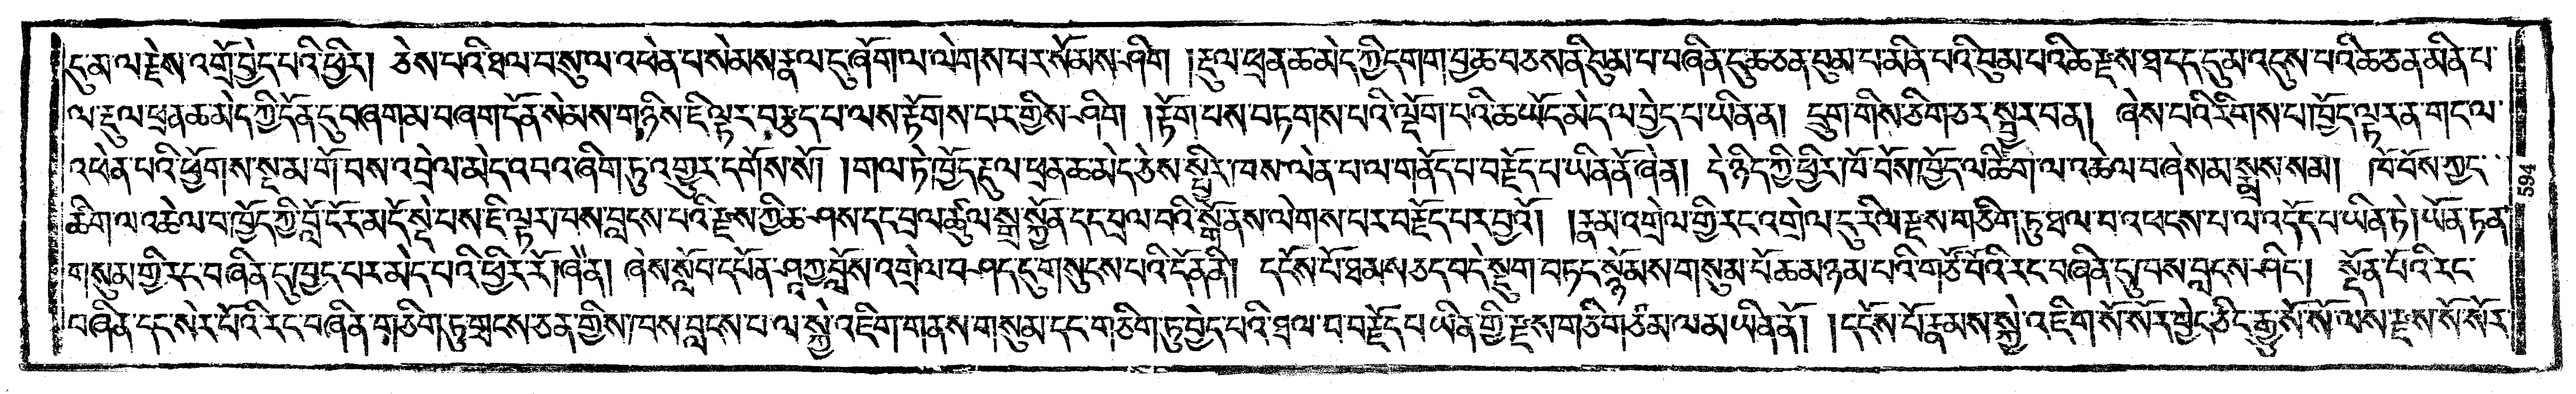དུ་མ་ལ་རྗེས་འགྲོ་བྱེད་པའི་ཕྱིར། ཅེས་པའི་ཐལ་བ་སུ་ལ་འཕེན་པ་སེམས་རྣལ་དུ་ཞོག་ལ་ལེགས་པར་སོམས་ཤིག །རྡུལ་ཕྲན་ཆ་མེད་ཀྱི་དགག་བྱ་ཆ་བཅས་ནི་བུམ་པ་བཞིན་དུ་ཆ་ཅན་བུམ་པ་མིན་པའི་བུམ་པའི་ཆ་རྫས་ཐ་དད་དུ་མ་འདུས་པའི་ཆ་ཅན་མིན་པ་
ལ་རྡུལ་ཕྲན་ཆ་མེད་ཀྱི་དོན་དུ་བཞག་མ་བཞག་དོན་སེམས་གཉིས་ཇི་ལྟར་བརྩད་པ་ལས་རྟོགས་པར་གྱིས་ཤིག །རྟོག་པས་བཏགས་པའི་ལྡོག་པའི་ཆ་ཡོད་མེད་ལ་བྱེད་པ་ཡིན་ན། དྲུག་གིས་ཅིག་ཅར་སྦྱར་བ་ན། ཞེས་པའི་རིགས་པ་ཁྱོད་ལྟར་ན་གང་ལ་
འཕེན་པའི་ཕྱོགས་སྔ་མ་གོ་བས་འབྲེལ་མེད་འབའ་ཞིག་ཏུ་འགྱུར་དགོས་སོ། །གལ་ཏེ་ཁྱོད་རྡུལ་ཕྲན་ཆ་མེད་ཅེས་སྤྱིར་ཁས་ལེན་པ་ལ་གནོད་པ་བརྗོད་པ་ཡིན་ནོ་ཞེ་ན། དེ་ཉིད་ཀྱི་ཕྱིར་ཁོ་བོས་ཁྱོད་ལ་ཚིག་ལ་འཆེལ་བ་ཞེས་མ་སྨྲས་སམ། ཁོ་བོས་ཀྱང་
ཚིག་ལ་འཆེལ་བ་ཁྱོད་ཀྱི་བློ་ངོར་མདོ་སྡེ་པས་ཇི་ལྟར་ཁས་བླངས་པའི་རྫས་ཀྱི་ཆ་ཤས་དང་བྲལ་ཚུལ་སྒྲ་སྐྱོན་དང་བྲལ་བའི་སྒོ་ནས་ལེགས་པར་བརྗོད་པར་བྱའོ། །རྣམ་འགྲེལ་གྱི་རང་འགྲེལ་དུ་རིལ་རྫས་གཅིག་ཏུ་ཐལ་བ་འཕངས་པ་ལ་འདོད་པ་ཡིན་ཏེ། ཡོན་ཏན་
གསུམ་གྱི་རང་བཞིན་དུ་ཁྱད་པར་མེད་པའི་ཕྱིར་རོ་ཞེ་ན། ཞེས་སློབ་དཔོན་ཤཱཀྱ་བློས་འགྲེལ་བཤད་དུ་གསུངས་པའི་དོན་ནི། དངོས་པོ་ཐམས་ཅད་བདེ་སྡུག་བཏང་སྙོམས་གསུམ་པོ་ཆ་མཉམ་པའི་གཙོ་བོའི་རང་བཞིན་དུ་ཁས་བླངས་ཤིང་། སྔོན་པོའི་རང་
བཞིན་དང་སེར་པོའི་རང་བཞིན་གཅིག་ཏུ་གྲངས་ཅན་གྱིས་ཁས་བླངས་པ་ལ་སྐྱེ་འཇིག་གནས་གསུམ་དང་གཅིག་ཏུ་བྱེད་པའི་ཐལ་བ་བརྗོད་པ་ཡིན་གྱི་རྫས་གཅིག་ཙམ་ལ་མ་ཡིན་ནོ། །དངོས་པོ་རྣམས་སྐྱེ་འཇིག་སོ་སོར་བྱེད་ཅིང་རྒྱུ་སོ་སོ་ལས་རྫས་སོ་སོར་